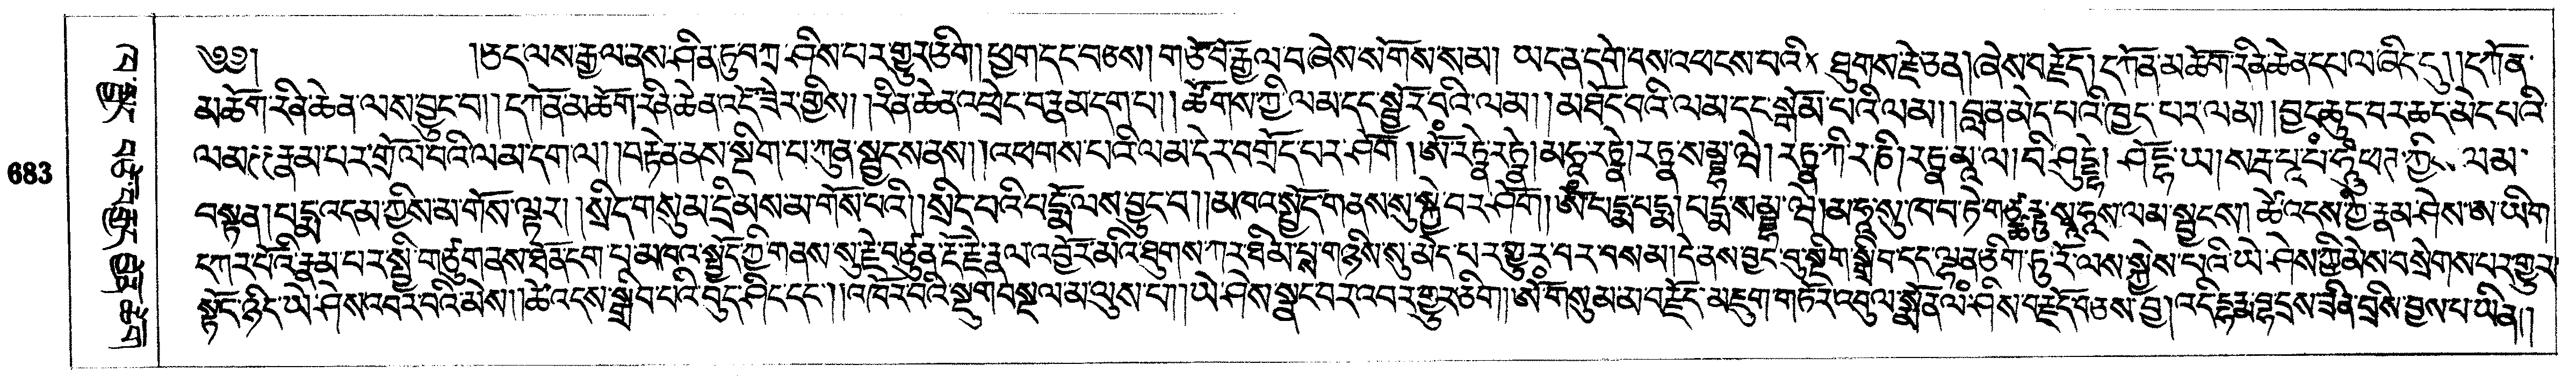༄༅། །ཅད་ལས་རྒྱལ་ནས་ཤིན་ཏུ་བཀྲ་ཤིས་པར་གྱུར་ཅིག །ཕྱག་དང་བཅས། གཙོ་བོ་རྒྱལ་བ་ཞེས་སོགས་སམ། ཡང་ན་དགེ་བས་འཕངས་པའི་྾་ཐུགས་རྗེ་ཅན། ཞེས་བརྗོད། དཀོན་མཆོག་རིན་ཆེན་དཔལ་ཞིང་དུ། །དཀོན་
མཆོག་རིན་ཆེན་ལས་བྱུང་བ། །དཀོན་མཆོག་རིན་ཆེན་འོད་ཟེར་གྱིས། །རིན་ཆེན་འཕྲེང་བ་རྣམ་དག་པ། །ཚོགས་ཀྱི་ལམ་དང་སྦྱོར་བའི་ལམ། །མཐོང་བའི་ལམ་དང་སྒོམ་པའི་ལམ། །བླ་ན་མེད་པའི་ཁྱད་པར་ལམ། །བྱང་ཆུབ་བར་ཆད་མེད་པའི་
ལམ༑ ༑རྣམ་པར་གྲོལ་བའི་ལམ་དག་ལ། །བརྟེན་ནས་སྡིག་པ་ཀུན་སྦྱངས་ནས། །འཕགས་པའི་ལམ་དེར་བགྲོད་པར་ཤོག །ཨོཾ་རཏྣེ་རཏྣེ། མཧཱ་རཏྣེ། རཏྣ་སམྦྷ་ཝེ། རཏྣ་ཀི་ར་ཎི། རཏྣ་མཱ་ལ། བི་ཤུདྡྷེ། ཤོདྷེ་ཡ། སརྦ་པཱ་པཾ་ཧཱུཾ་ཕཊ་ཀྱིས་ལམ་
བསྟན། པདམ་འདམ་ཀྱིས་མ་གོས་ལྟར། །སྲིད་གསུམ་དྲི་མས་མ་གོས་པའི། །སྲིང་བའི་པདམོ་ལས་བྱུང་བ། །མཁའ་སྤྱོད་གནས་སུ་སྐྱེ་བར་ཤོག །ཨོཾ་པདམ་པདམ། པདམ་སམྦྷ་ཝེ། མ་ཧཱ་སུ་ཁ་བ་ཏེ་གཙྪ་རྟུ་སྭཱ་ཧཱས་ལམ་སྦྱངས། ཚེ་འདས་ཀྱི་རྣམ་ཤེས་ཨ་ཡིག་
དཀར་པོའི་རྣམ་པར་སྤྱི་གཙུག་ནས་ཐོན་དག་པ་མཁའ་སྤྱོད་ཀྱི་གནས་སུ་རྗེ་བཙུན་རྡོ་རྗེ་རྣལ་འབྱོར་མའི་ཐུགས་ཀར་ཐིམ་པས་གཉིས་སུ་མེད་པར་གྱུར་པར་བསམ། དེ་ནས་བྱང་བུ་སྡིག་སྒྲིབ་དང་ལྷན་ཅིག་ཏུ་རོ་ལས་སྐྱེས་པའི་ཡེ་ཤེས་ཀྱི་མེས་བསྲེགས་པར་གྱུར་
སྟོང་ཉིད་ཡེ་ཤེས་འབར་བའི་མེས། །ཚེ་འདས་སྒྲིབ་པའི་བུད་ཤིང་དང་། །འཁོར་བའི་སྡུག་བསྔལ་མ་ལུས་པ། །ཡེ་ཤེས་སྣང་བར་འབར་གྱུར་ཅིག །ཨོཾ་གསུམ་མ་བརྗོད་མཇུག་གཏོར་འབུལ་སྨོན་ལཾ་ཤིས་བརྗོད་བཅས་བྱ། འདི་དྷ་རྨ་བྷ་དྲས་ཟིན་བྲིས་བྱས་པ་ཡིན། །